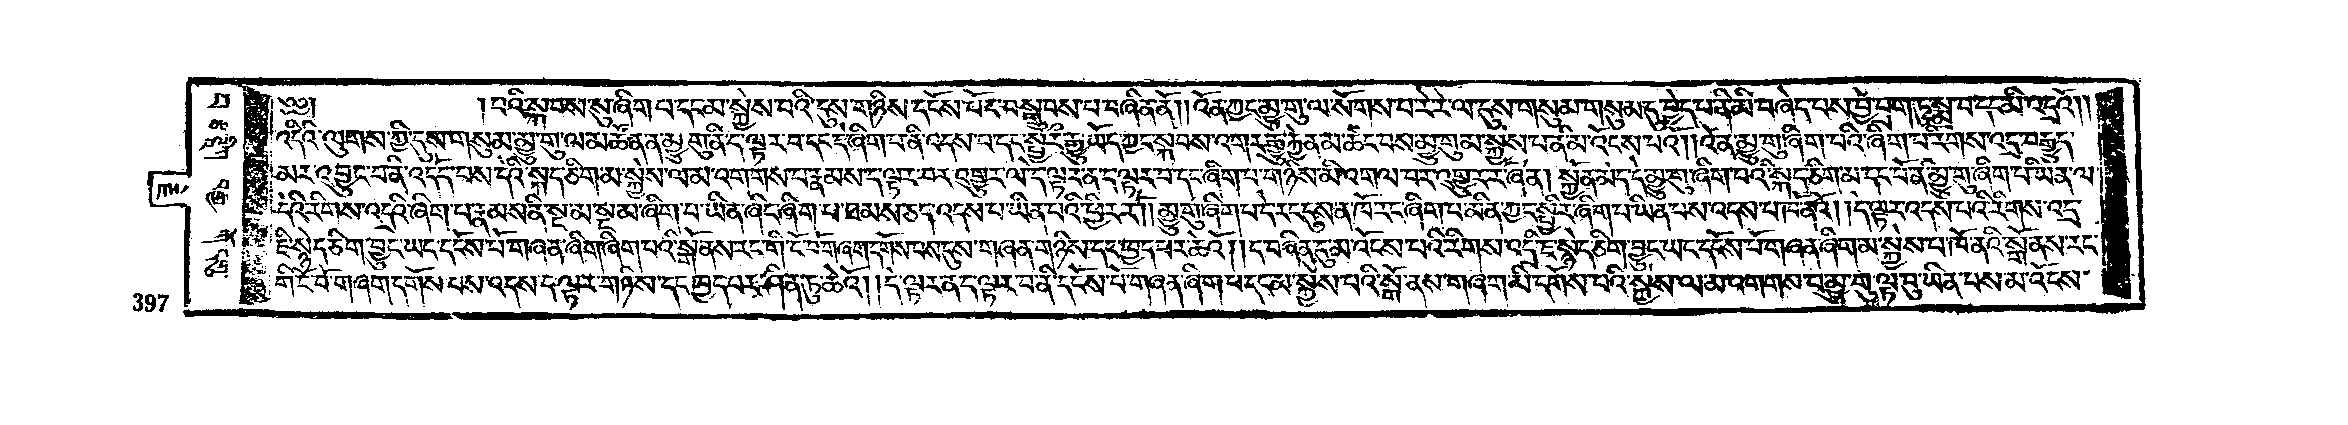༄༅། །པའི་སྐབས་སུ་ཞིག་པ་དང་མ་སྐྱེས་པའི་དུས་གཉིས་དངོས་པོར་བསྒྲུབས་པ་བཞིན་ནོ། །འོན་ཀྱང་མྱུ་གུ་ལ་སོགས་པ་རེ་རེ་ལ་དུས་གསུམ་གསུམ་དུ་བྱེད་པ་ནི་མི་བཞེད་པས་བྱེ་བྲག་ཏུ་སྨྲ་བ་དང་མི་འདྲའོ། །
འདིའི་ལུགས་ཀྱི་དུས་གསུམ་མྱུ་གུ་ལ་མཚོན་ན་མྱུ་གུ་ནི་ད་ལྟར་བ་དང་དེ་ཞིག་པ་ནི་འདས་པ་དང་སྦྱར་རྒྱུ་ཡོད་ཀྱང་སྐབས་འགར་རྒྱུ་རྐྱེན་མ་ཚང་བས་མྱུ་གུ་མ་སྐྱེས་པ་ནི་མ་འོངས་པའོ། །འོ་ན་མྱུ་གུ་ཞིག་པའི་ཞིག་པ་རིགས་འདྲ་བརྒྱུད་
མར་འབྱུང་བ་ནི་འདོད་པས་དེའི་སྐད་ཅིག་མ་སྐྱེས་ལམ་འགགས་པ་རྣམས་ད་ལྟར་བར་འགྱུར་ལ་དེ་ལྟར་ན་ད་ལྟར་བ་དང་ཞིག་པ་གཉིས་མི་འགལ་བར་འགྱུར་རོ་ཞེ་ན། སྐྱོན་མེད་དེ་མྱུ་གུ་ཞིག་པའི་སྐད་ཅིག་མ་དང་པོ་ནི་མྱུ་གུ་ཞིག་པ་ཡིན་ལ་
དེའི་རིགས་འདྲའི་ཞིག་པ་རྣམས་ནི་སྔ་མ་སྔ་མ་ཞིག་པ་ཡིན་ཞིང་ཞིག་པ་ཐམས་ཅད་འདས་པ་ཡིན་པའི་ཕྱིར་རོ། །མྱུ་གུ་ཞིག་པ་དེ་རང་དུས་ན་ཁོ་རང་ཞིག་པ་མིན་ཀྱང་སྤྱིར་ཞིག་པ་ཡིན་པས་འདས་པ་ཁོ་ནའོ། །དེ་ལྟར་འདས་པའི་རིགས་འདྲ་
ཇི་སྙེད་ཅིག་བྱུང་ཡང་དངོས་པོ་གཞན་ཞིག་ཞིག་པའི་སྒོ་ནས་རང་གི་ངོ་བོ་གཞག་དགོས་པས་དུས་གཞན་གཉིས་དང་ཁྱད་པར་ཆེའོ། །ད་བཞིན་དུ་མ་འོངས་པའི་རིགས་དྲི་ཇ་སྙེད་ཅིག་བྱུང་ཡང་དངོས་པོ་གཞན་ཞིག་མ་སྐྱེས་པ་ཁོ་ནའི་སྒོ་ནས་རང་
གི་ངོ་བོ་གཞག་དགོས་པས་འདས་ད་ལྟར་གཉིས་དང་ཁྱད་པར་ཤིན་ཏུ་ཆེའོ། །དེ་ལྟར་ན་ད་ལྟར་བ་ནི་དངོས་པོ་གཞན་ཞིག་པ་དང་མ་སྐྱེས་པའི་སྒོ་ནས་གཞག་མི་དགོས་པའི་སྐྱེས་ལ་མ་འགགས་པ་མྱུ་གུ་ལྟ་བུ་ཡིན་པ་མ་འོངས་